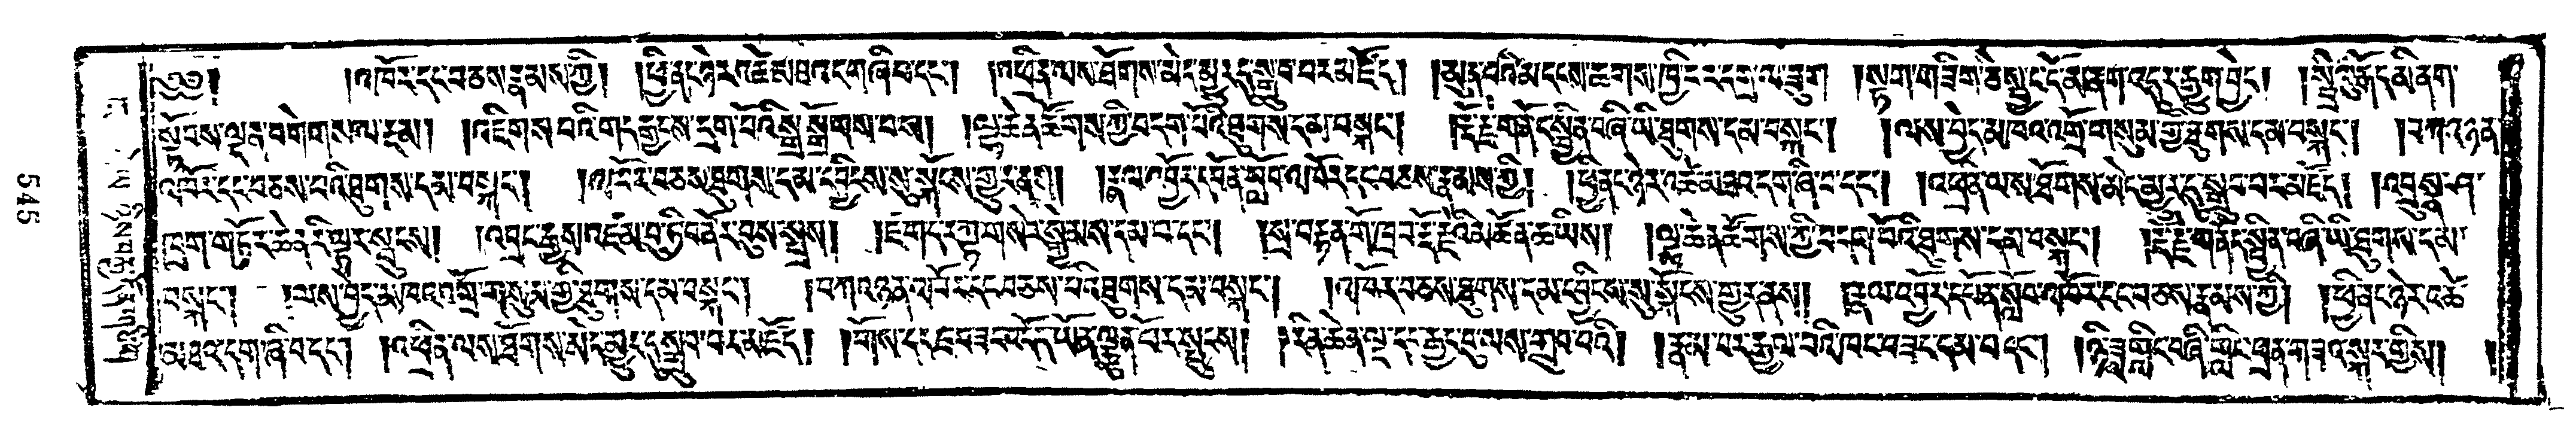༄༅། །འཁོར་དང་བཅས་རྣམས་ཀྱི། །ཕྱི་ནང་ཉེར་འཚེ་མཐའ་དག་ཞི་བ་དང་། །འཕྲིན་ལས་ཐོགས་མེད་མྱུར་དུ་སྒྲུབ་བར་མཛོད། །མུན་བའི་མདངས་ཆགས་ཁྱི་ངར་དགྲ་ལ་ཟུག །སྟག་གཟིག་ཅེ་སྦྱང་དོ་མནག་འདུར་རྒྱུག་བྱེད། །སྤྲིའུ་རྒོད་མི་ནག་
སྟོབས་ལྡན་བགེགས་ལ་རྔམ། །འཇིགས་བའི་གད་རྒྱངས་དྲག་བོའི་སྒྲ་སྒྲོགས་བས། །ལྷ་ཆེན་ཚོགས་ཀྱི་བདག་པོའི་ཐུགས་དམ་བསྐང་། །རྡོ་རྗེ་གནོད་སྦྱིན་བཞི་ཡི་ཐུགས་དམ་བསྐང་། །ལས་བྱེད་མཁའ་འགྲོ་གསུམ་གྱི་ཐུགས་དམ་བསྐང་། །བཀའ་ཉན་
འཁོར་དང་བཅས་པའི་ཐུགས་དམ་བསྐང་། །འཁོར་བཅས་ཐུགས་དམ་དབྱིངས་སུ་སྐོངས་གྱུར་ནས། །རྣལ་འབྱོར་དབོན་སློབ་འཁོར་དང་བཅས་རྣམས་ཀྱི། །ཕྱི་ནང་ཉེར་འཚེ་མཐའ་དག་ཞི་བ་དང་། །འཕྲིན་ལས་ཐོགས་མེད་མྱུར་དུ་སྒྲུབ་བར་མཛོད། །འབྲུ་སྣ་ཤ་
ཁྲག་གཏོར་ཆེན་རི་ལྟར་སྤུངས། །འབྲང་རྒྱས་འཛམ་བུ་ཏི་བ་ནོར་བུས་སྤྲས། །ཛག་ད་རཀྟ་གསེར་སྐྱེམས་དམ་པ་དང་། །སྲ་བརྟན་གོ་ཁྲབ་རྡོ་རྗེའི་མཚོན་ཆ་ཡིས། །ལྷ་ཆེན་ཚོགས་ཀྱི་བདག་བོའི་ཐུགས་དམ་བསྐང་། །རྡོ་རྗེ་གནོད་སྦྱིན་བཞི་ཡི་ཐུགས་དམ་
བསྐང་། །ལས་བྱེད་མཁའ་འགྲོ་གསུམ་གྱི་ཐུགས་དམ་བསྐང་། །བཀའ་ཉན་འཁོར་དང་བཅས་པའི་ཐུགས་དམ་བསྐང་། །འཁོར་བཅས་ཐུགས་དམ་དབྱིངས་སུ་སྐོངས་གྱུར་ནས། །རྣལ་འབྱོར་དཔོན་སློབ་འཁོར་དང་བཅས་རྣམས་ཀྱི། །ཕྱི་ནང་ཉེར་འཚེ་
མཐའ་དག་ཞི་བ་དང་། །འཕྲིན་ལས་ཐོགས་མེད་མྱུར་དུ་སྒྲུབ་བར་མཛོད། །གོས་དང་ཇ་བཟང་འདོད་ཡོན་ལྟུན་པོར་སྤུངས། །རིན་ཆེན་ལྔ་དང་རྒྱད་བུ་ལས་གྲུབ་བའི། །རྣམ་པར་རྒྱལ་པའི་ཁང་བཟང་དམ་བ་དང་། །ཉི་ཟླ་གླིང་བཞི་གླིང་ཕྲན་གཟའ་སྐར་གྱིས། །